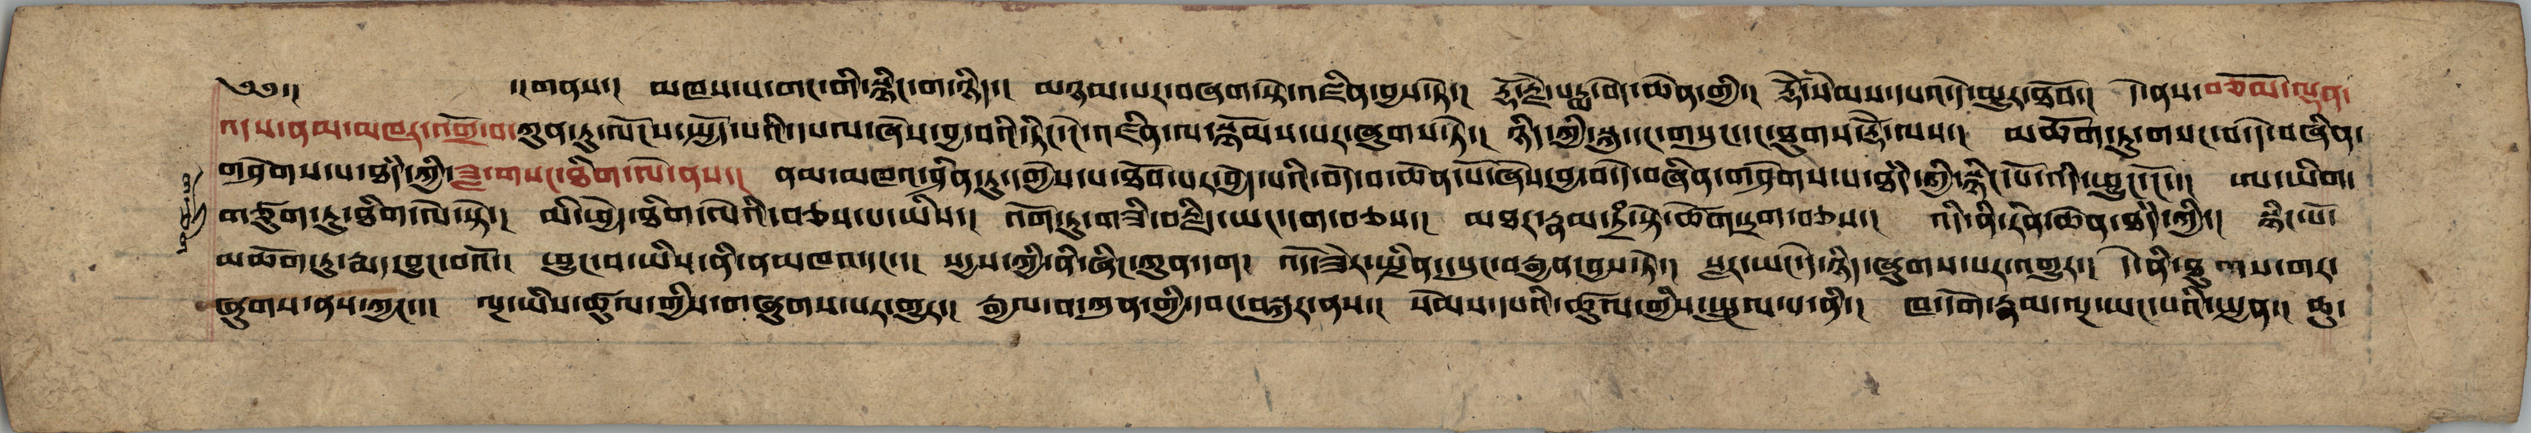༄༅་། ་།གནས་། མཁས་པ་གང་གི་སྙིང་ག་ཉིད་། མཉམ་པར་བཞག་སྟེ་འཛིན་བྱས་ཏེ་། རྡོ་རྗེ་པདྨ་བདེ་ཆེན་གྱི་། རྡོེ་སེམས་དཔའ་དེ་མྱུར་ཐོབ་། དེ་ནས་བཅོམ་ལྡན་
འདས་ནམ་མཁར་འགྲོ་བ་ཀུན་ཏུ་ལོངས་སྤྱོད་པའི་དཔལ་ཞེས་བྱ་བའི་ཏིང་ངེ་འཛིན་ལ་སྙོམས་པར་ཞུགས་ཏེ་། ཉིད་ཀྱི་སྐུ་དང་གསུང་དང་ཐུགས་རྡོེ་ལས་། མཆོག་ཏུ་གསང་བ་དེ་བཞིན་
གཤེགས་པ་ཐཾད་ཀྱི་ཟླ་གསང་ཐིག་ལེ་ནས་། ནམ་མཁའ་ཤིན་ཏུ་དགྱེས་པ་ཐོབ་པར་བྱེད་པའི་བདེ་བ་ཆེན་པོ་ཞེས་བྱ་བ་དེ་བཞིན་གཤེགས་པ་ཐཾད་ཀྱི་སྙིང་པོ་འདི་ཕྱུང་ངོ་། ཨ་ཡིག་
གཙུག་ཏུ་ཐིག་ལེ་སྟེ་། མི་ཕྱེད་ཐིག་ལེའི་བཅས་པ་ཡིས་། འོག་ཏུ་གཟི་བརྗིད་ཡང་དག་བཅས་། མཐར་རྣམ་ཏྲཾ་སྟེ་ཚེག་དྲག་བཅས་། འདི་ནི་རིན་ཆེན་ཐདཾ་ཀྱི་། སྙིང་པོ་
མཆོག་ཏུ་རྨད་བྱུང་བའོ་། ཕྱུང་བ་ཡིས་ནི་ནམཁའ་དང་་། སདྱས་ཀྱི་ནི་ཞིང་ཀུན་དག། འོད་ཟེར་སྤྲིན་དཔུང་བརྒྱན་བྱས་ཏེ་། སླར་ཡང་དེ་ཉིད་ཞུགས་པར་འགྱུར་། དེ་ནི་ཐུགས་གར་
ཞུགས་ནས་ཀྱང་་། ལྔ་ཡིས་ཚུལ་གྱིས་གཞུགས་པར་གྱུར་། རྒྱལ་བ་ཀུན་གྱི་དབང་བསྐུར་ནས་། སེམས་དཔའི་ཚུལ་གྱིས་སྤྲུལ་པ་ནི་། ཁ་དོག་རྣམ་ལྔ་ཡང་པའི་སྤྱན་། ཆུ་